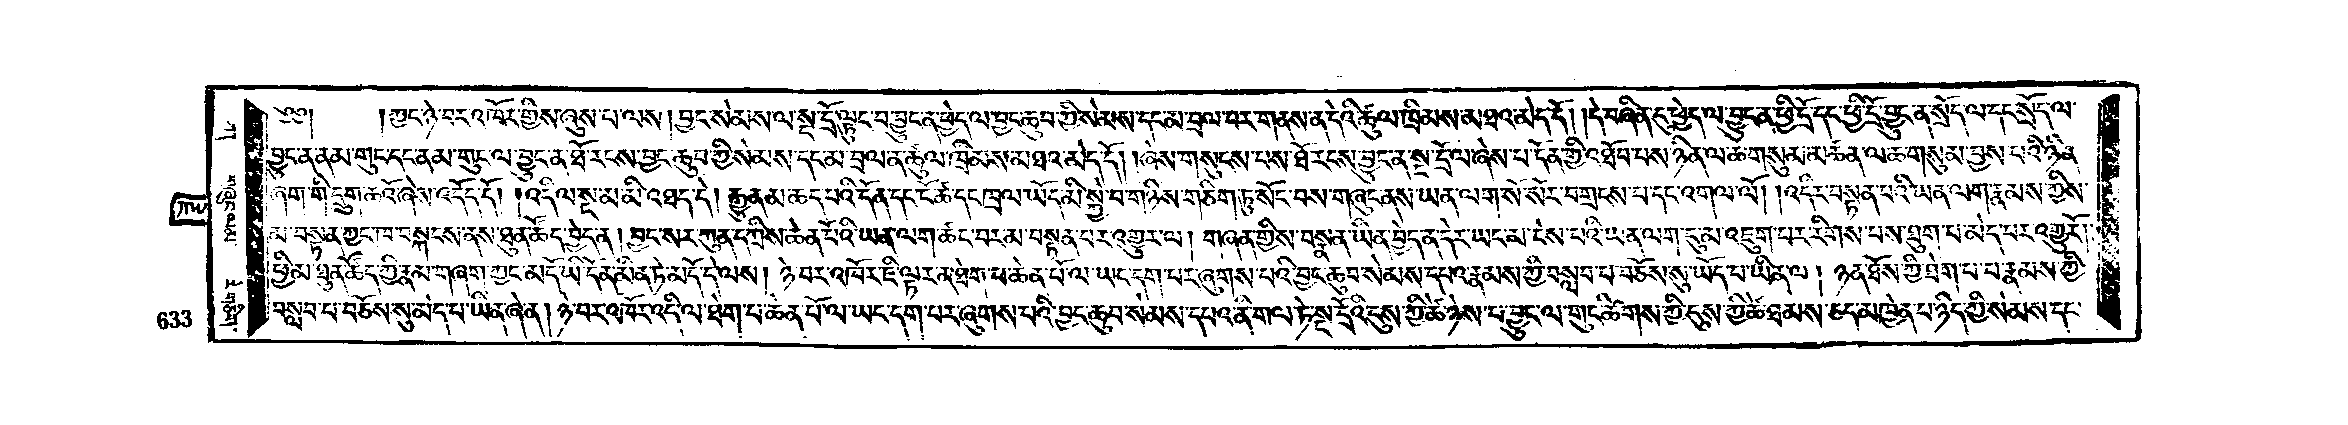༄༅། །ཀྱང་ཉེ་བར་འཁོར་གྱིས་ཞུས་པ་ལས། བྱང་སེམས་ལ་སྔ་དྲོ་ལྟུང་བ་བྱུང་ན་ཕྱེད་ལ་བྱང་ཆུབ་ཀྱི་སེམས་དང་མ་བྲལ་བར་གནས་ན་དེའི་ཚུལ་ཁྲིམས་མཐའ་མེད་དོ། །དེ་བཞིན་དུ་ཕྱེད་ལ་བྱུང་ན་ཕྱི་དྲོ་དང་ཕྱི་དྲོ་བྱུང་ན་སྲོད་ལ་དང་སྲོད་ལ་
བྱུང་ན་ནམ་གུང་དང་ནམ་གུང་ལ་བྱུང་ན་ཐོ་རངས་བྱང་ཆུབ་ཀྱི་སེམས་དང་མ་བྲལ་ན་ཚུལ་ཁྲིམས་མཐའ་མེད་དོ། །ཞེས་གསུངས་པས་ཐོ་རངས་བྱུང་ན་སྔ་དྲོ་ལ་ཞེས་པ་དོན་གྱི་འཐོབ་པས་ཉིན་ལ་ཆ་གསུམ་མཚན་ལ་ཆ་གསུམ་བྱས་པའི་ཉིན་
ཞག་གི་དྲུག་ཆའོ་ཞེས་འདོད་དོ། །འདི་ལ་སྔ་མ་མི་འཐད་དེ། རྒྱུན་མ་ཆད་པའི་དོན་དང་ངོ་ཚ་དང་ཁྲལ་ཡོད་མི་སྐྱེ་བ་གཉིས་གཅིག་ཏུ་སོང་བས་གཞུང་ནས་ཡན་ལག་སོ་སོར་བགྲངས་པ་དང་འགལ་ལོ། །འདིར་བསྟན་པའི་ཡན་ལག་རྣམས་ཀྱིས་
མ་བསྟན་ཀྱང་ཁ་བསྐངས་ནས་ཐུན་ཚོད་བྱེད་ན། བྱང་སར་ཀུན་དཀྲིས་ཆེན་པོའི་ཡན་ལག་ཚང་བར་མ་བསྟན་པར་འགྱུར་ལ། གཞན་གྱིས་བསྣན་ཡིན་བྱེད་ན་དེར་ཡང་མ་ངེས་པའི་ཡན་ལག་དུ་མ་འཇུག་པར་རིགས་པས་ཐུག་པ་མེད་པར་འགྱུར་རོ།།
ཕྱི་མ་ཐུན་ཚོད་ཀྱི་རྣམ་གཞག་ཀྱང་མདོ་ཡི་དོན་མིན་ཏེ་མདོ་དེ་ལས། ཉེ་བར་འཁོར་ཇི་ལྟར་ན་ཐེག་པ་ཆེན་པོ་ལ་ཡང་དག་པར་ཞུགས་པའི་བྱང་ཆུབ་སེམས་དཔའ་རྣམས་ཀྱི་བསླབ་པ་བཅོས་སུ་ཡོད་པ་ཡིན་ལ། ཉན་ཐོས་ཀྱི་ཐེག་པ་པ་རྣམས་ཀྱི་
བསླབ་པ་བཅོས་སུ་མེད་པ་ཡིན་ཞེ་ན། ཉེ་བར་འཁོར་འདི་ལ་ཐེག་པ་ཆེན་པོ་ལ་ཡང་དག་པར་ཞུགས་པའི་བྱང་ཆུབ་སེམས་དཔའ་ནི་གལ་ཏེ་སྔ་དྲོའི་དུས་ཀྱི་ཚེ་ཉེས་པ་བྱུང་ལ་གུང་ཚིགས་ཀྱི་དུས་ཀྱི་ཚེ་ཐམས་ཅད་མཁྱེན་པ་ཉིད་ཀྱི་སེམས་དང་